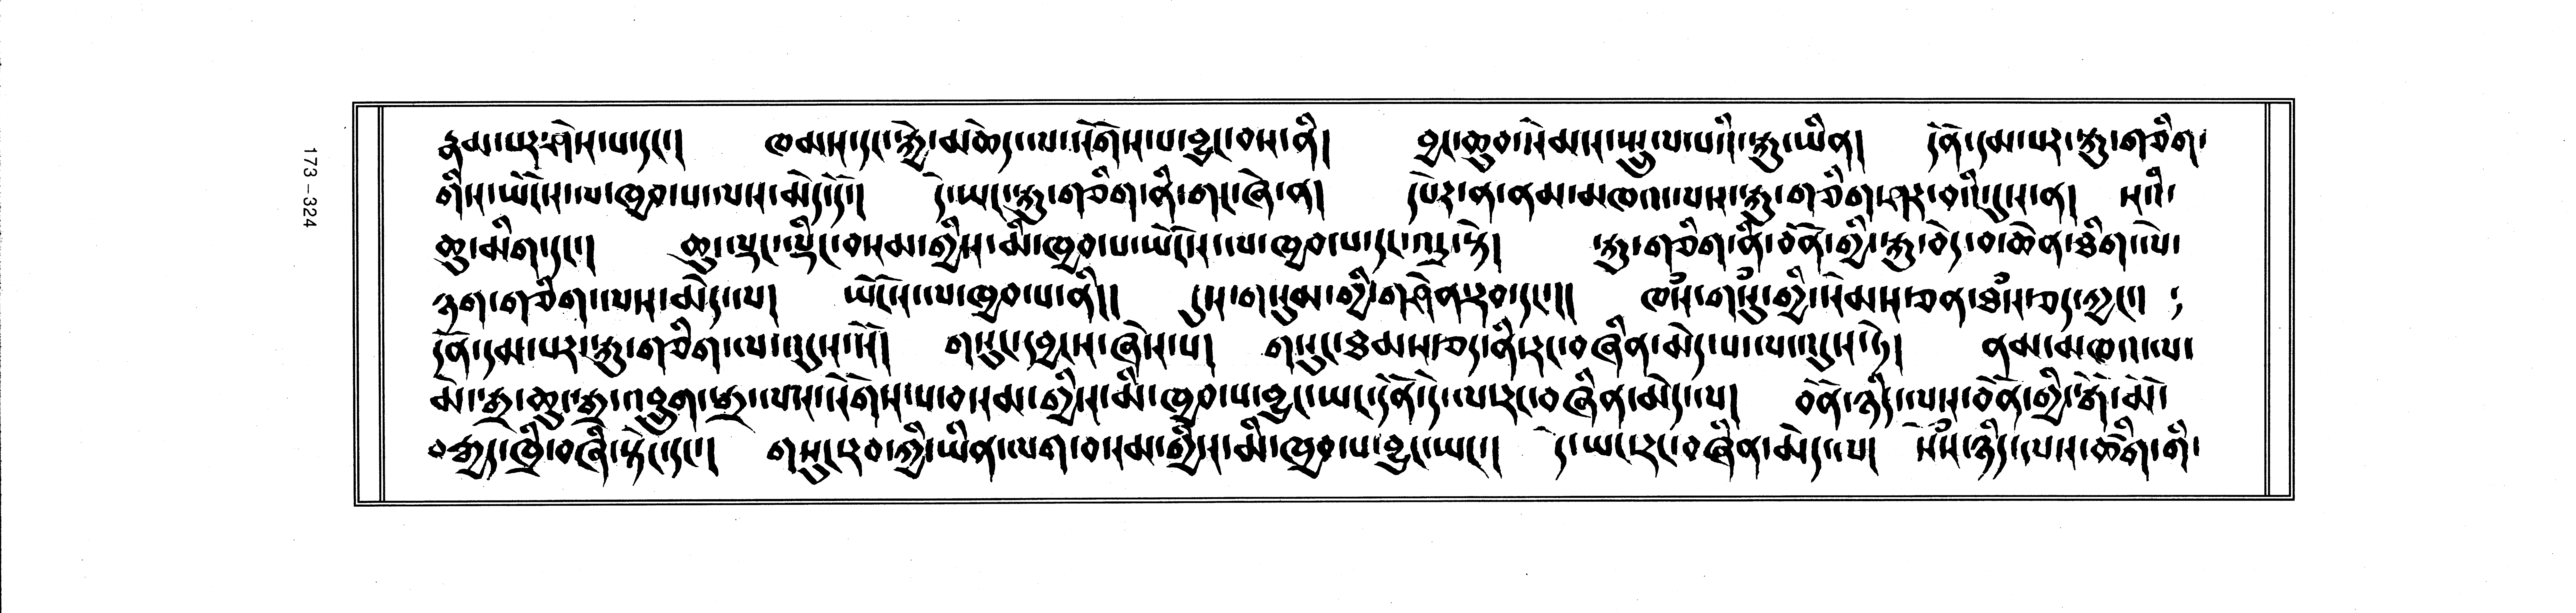རྣམ་པར་ཤེས་པ་དང་། ཁམས་དང་སྐྱེ་མཆེད་ལ་སོགས་པ་བྱུང་བས་ནི། བྱང་ཆུབ་སེམས་སྤྲུལ་པའི་སྐུ་ཡིན། དོན་དམ་པར་སྐུ་གཅིག་
གིས་ཡོངས་ལ་ཁྱབ་པ་ལས་མེད་དོ། །དེ་ཡང་སྐུ་གཅིག་ནི་གང་ཞེ་ན། དཔེར་ན་ནམ་མཁའ་ལས་སྐུ་གཅིག་ཤར་བའི་དུས་ན། སའི་
ཆུ་མིག་དང་། ཆུ་ལྡང་ལྡིང་བསམ་གྱིས་མི་ཁྱབ་པ་ཡོངས་ལ་ཁྱབ་པ་དང་འདྲ་སྟེ། སྐུ་གཅིག་ནི་བོན་གྱི་སྐུ་བདེ་བ་ཆེན་པོ་ཐིག་ལེ་
ཉག་གཅིག་ལས་མེད་ལ། ཡོངས་ལ་ཁྱབ་པ་ནི། དུས་གསུམ་གྱི་གཤེན་རབ་དང་། ཁམས་གསུམ་གྱི་སེམས་ཅན་ཐམས་ཅད་ཀྱང་། 
དོན་དམ་པར་སྐུ་གཅིག་ལ་འདུས་སོ། །གསུང་དབྱངས་ཞེས་པ། གསུང་ཐམས་ཅད་ནི་རང་བཞིན་མེད་པ་ལ་འདུས་ཏེ། ནམ་མཁའ་ལ་
མེ་སྒྲ་ཆུ་སྒྲ་འབྲུག་སྒྲ་ལ་སོགས་པ་བསམ་གྱིས་མི་ཁྱབ་པ་བྱུང་ཡང་དོན་དེ་ལ་རང་བཞིན་མེད་ལ། བོན་ཉིད་ལས་བོན་གྱི་སྒོ་མོ་
བརྒྱད་ཁྲི་བཞི་སྟོང་དང་། གསུང་རབ་ཀྱི་ཡན་ལག་བསམ་གྱིས་མི་ཁྱབ་པ་བྱུང་ཡང་། དེ་ཡང་རང་བཞིན་མེད་ལ། སེམས་ཉིད་ལས་ཚིག་གི་